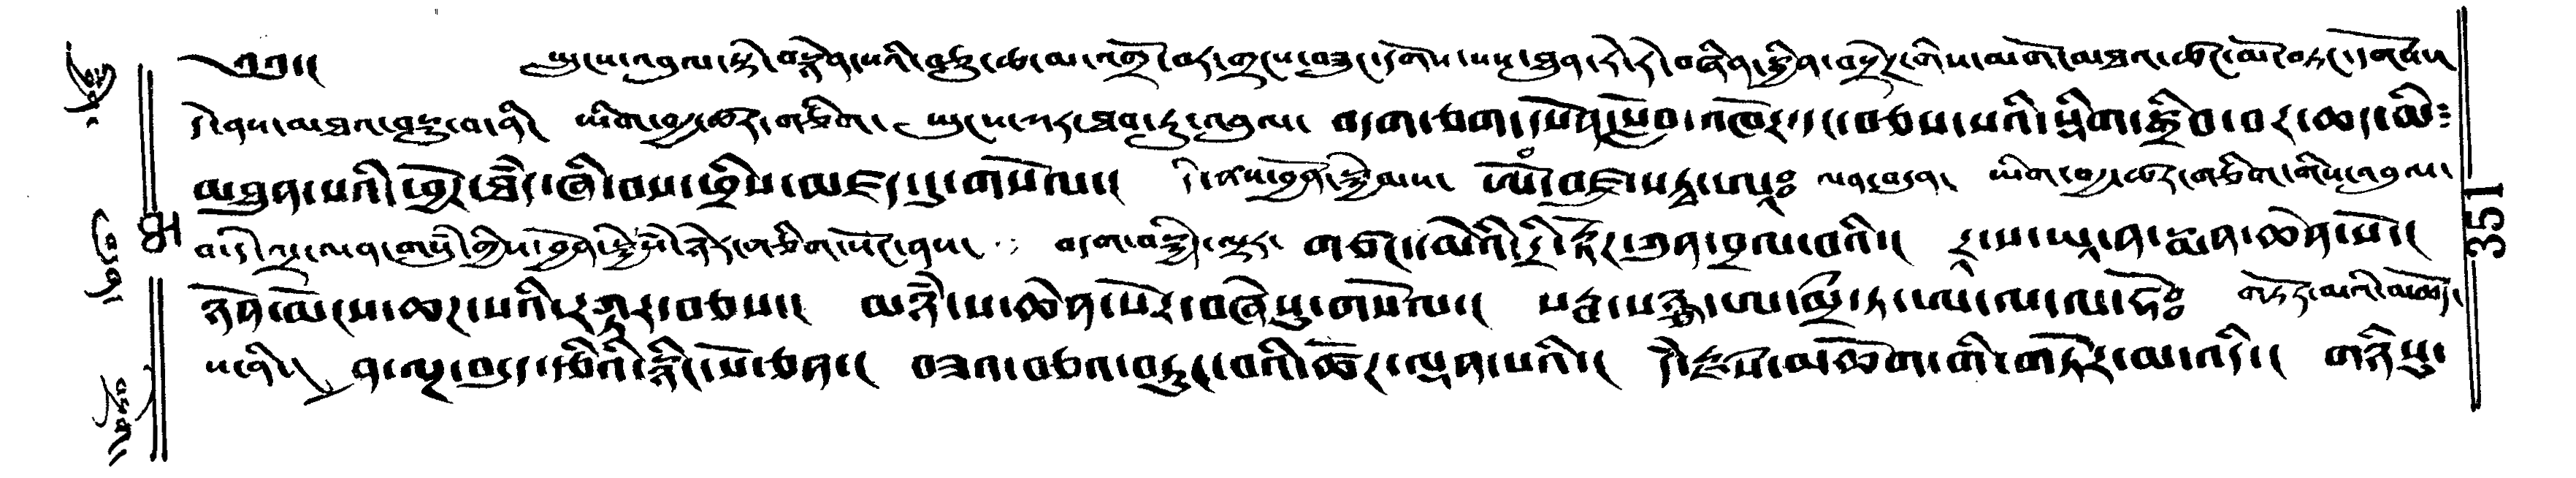སྤྲུངས་འཕུལ་སྟེ་བསྙེན་པའི་བཅུ་ཆ་མ་འགྲོ་བར་གྲངས་བཟུང་དགོས་པས་ཐུན་རེ་རེ་བཞིན་སྦྱིན་སྲེག་གི་མགོ་མཐའ་ཚང་མ་བཏང་དགོས། 
དེ་ནས་མཐའ་བསྡུ་བ་ནི། ཡིག་བརྒྱ་ཚར་གཅིག ཡུངས་ཀར་ཐབ་ཏུ་འབུལ། བདག་ཅག་དཔོན་སློབ་འཁོར་དང་བཅས་པའི་སྡིག་སྒྲིབ་བར་ཆད་མི་
མཐུན་པའི་ཕྱོགས་ཐམས་ཅད་ཞི་བའི་ཕྲིན་ལས་མཛད་དུ་གསོལ། དེ་ནས་བྱོན་སྐྱེམས། ཨོཾ་བཛྲ་སཏྭ་ཨཱཿ ལན་བདུན། ཡིག་བརྒྱ་ཚར་གཅིག་གིས་འབུལ་
བ་དེ་འདྲ་ལན་གསུམ་གྱིས་བྱོན་སྐྱེམས་ཉེར་གཅིག་སོང་ནས། བདག་བསྐྱེད་ལྟར། གཙང་དམེའི་དྲི་རྟོག་ཀུན་བྲལ་བའི། །རཱ་ས་ཡཱ་ནའི་སྨན་ཆེན་པོ། །
ཉོན་མོངས་ཆགས་པའི་རཀྟར་བཅས། །མཉམ་པ་ཆེན་པོར་བཞེས་སུ་གསོལ། སརྦ་པཉྩ་ཨ་མྲྀ་ཏ་ཨ་ལ་ལ་ཧོ། གཏོར་མའི་མཆོད་
པ་ནི། ཤ་ལྔ་བདུད་རྩིའི་སྙིང་པོ་ཅན། །བཟའ་བཅའ་བཏུང་བའི་ཚོགས་ལྡན་པའི། །དམ་རྫས་མཆོག་གི་གཏོར་མ་འདི། །གཉིས་སུ་